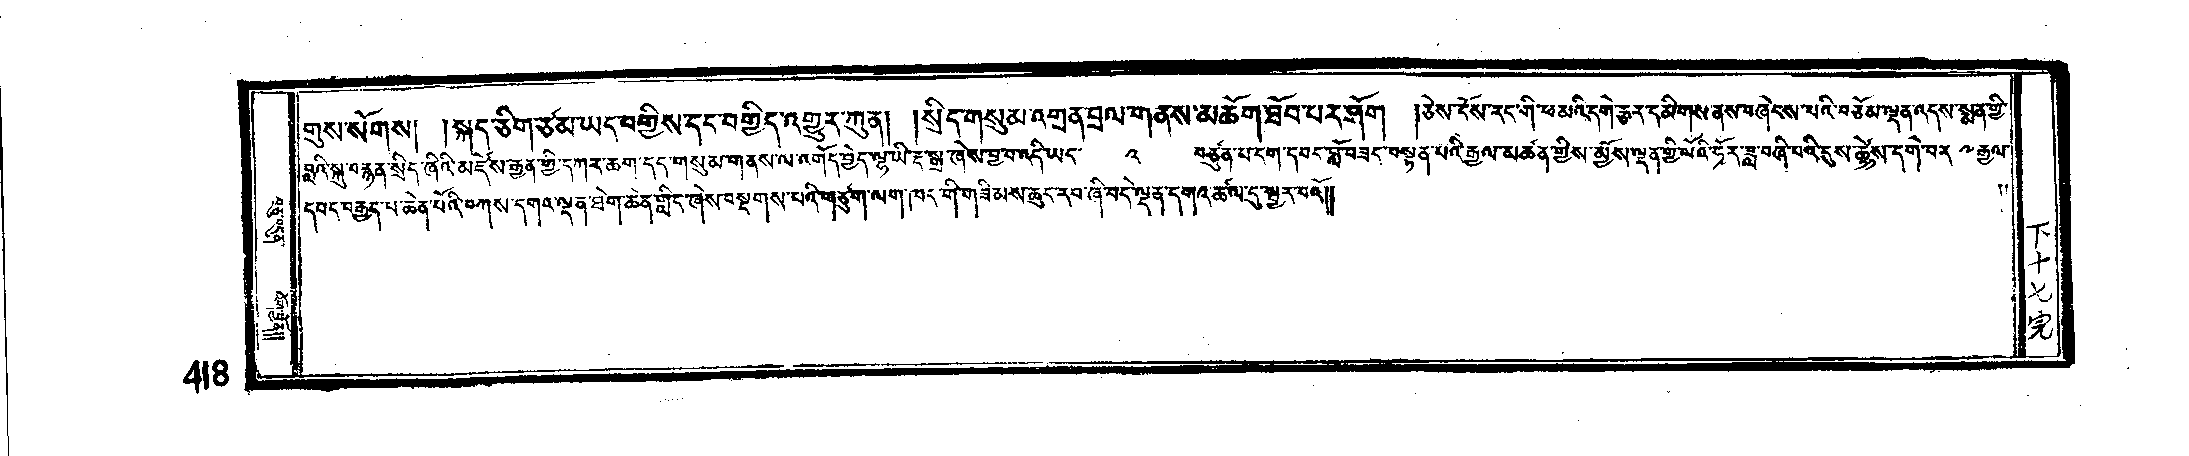གུས་སོགས། །སྐད་ཅིག་ཙམ་ཡང་བགྱིས་དང་བགྱིད་འགྱུར་ཀུན། །སྲིད་གསུམ་འགྲན་བྲལ་གནས་མཆོག་ཐོབ་པར་ཤོག །ཅེས་ངོས་རང་གི་ཕ་མའི་དགེ་རྩར་དམིགས་ནས་བཞེངས་པའི་བཅོམ་ལྡན་འདས་སྨན་གྱི་
བླའི་སྐུ་བརྙན་སྲིད་ཞིའི་མཛེས་རྒྱན་གྱི་དཀར་ཆག་དད་གསུམ་གནས་ལ་འགོད་བྱེད་ལྷ་ཡི་རྔ་སྒྲ་ཞེས་བྱ་བ་འདི་ཡང ༧་བཙུན་པ་ངག་དབང་བློ་བཟང་བསྟན་པའི་རྒྱལ་མཚན་གྱིས་མྱོས་ལྡན་གྱི་ལོའི་ཧོར་ཟླ་བཞི་པའི་དུས་ཚེས ༡༡་དགེ་བར ༧་རྒྱལ་
དབང་བརྒྱད་པ་ཆེན་པོའི་བཀས་དགའ་ལྡན་ཐེག་ཆེན་གླིང་ཞེས་བསྔགས་པའི་གཙུག་ལག་ཁང་གི་གཟིམས་ཆུང་རབ་ཞི་བདེ་ལྡན་དགའ་ཚལ་དུ་སྦྱར་བའོ།། །།